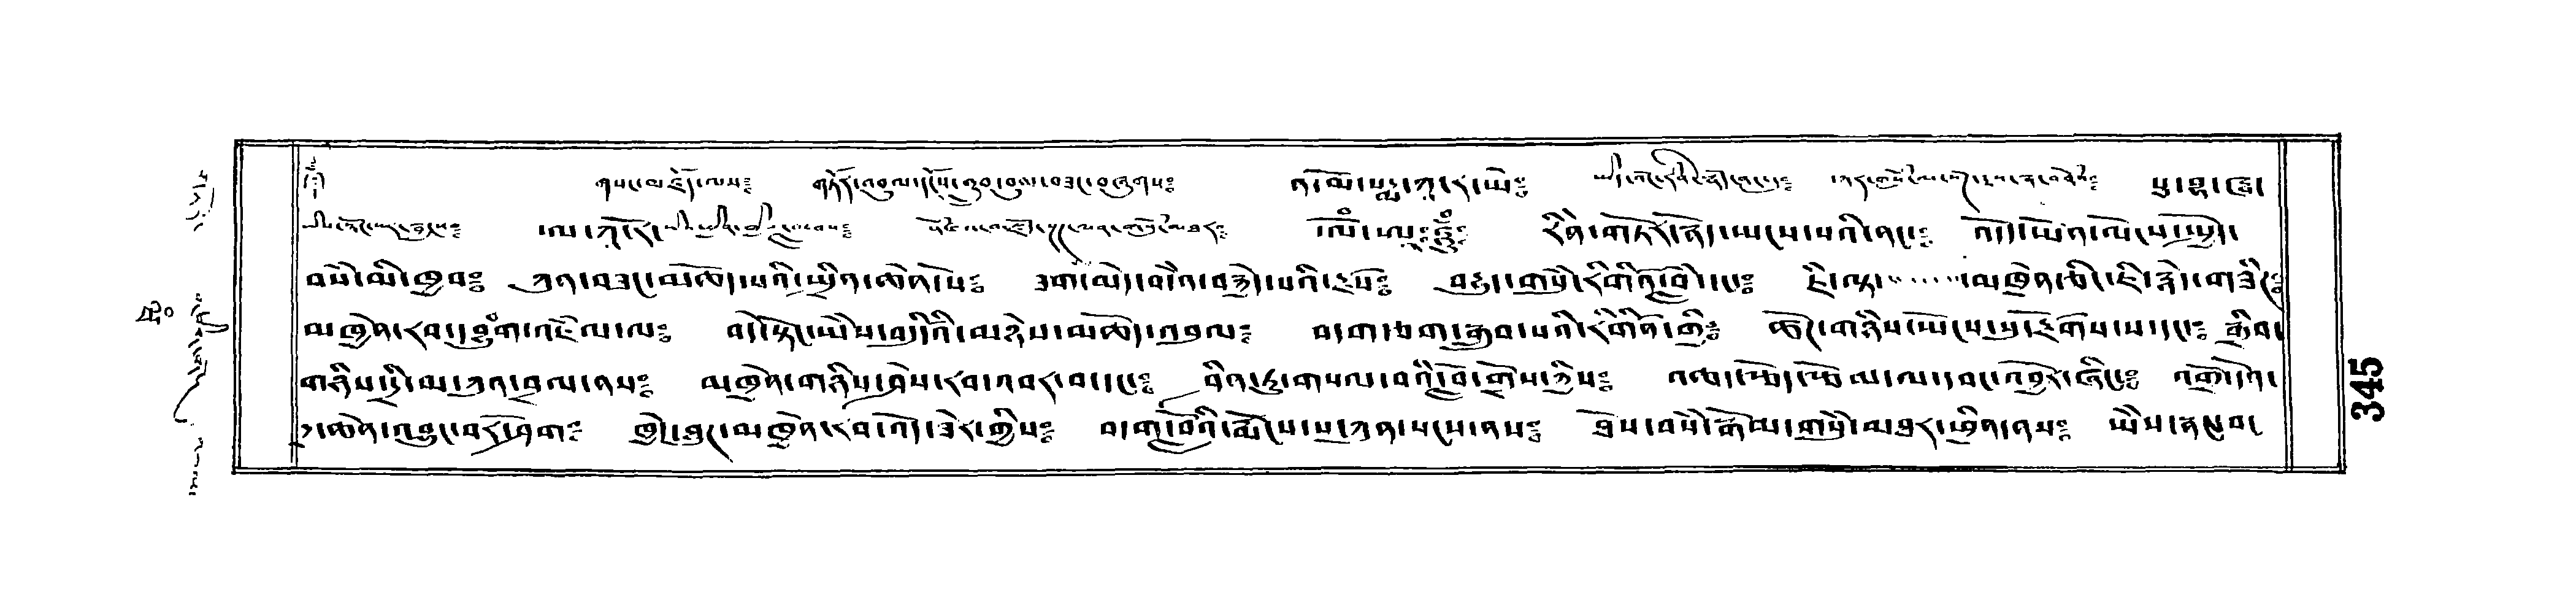གསང་མཛོད་ལས༔ གཏོར་འབུལ་དངོས་གྲུབ་བུམ་བཟང་བཞུགས༔ ན་མོ་པདྨ་ཀཱ་ར་ཡེ༔ ཡིད་འོང་རིན་ཆེན་སྣོད་ནང་དུ༔ དཀར་གསུམ་ལ་སོགས་ཟས་སྣ་བཤམས༔ སྭ་བྷ་ཝ་
ཡིས་སྟོང་པར་སྦྱངས༔ ཨ་ཀཱ་རོ་ཡིས་བྱིན་གྱིས་བརླབས༔ ནམ་མཁའ་མཛོད་སྔགས་ལན་གསུམ་མཐར༔ ཨོཾ་ཨཱཿཧཱུྃ༔ རིན་ཆེན་གཏོར་སྣོད་ཡངས་པའི་ནང༔ འདོད་ཡོན་ལོངས་སྤྱོད་
བསམ་མི་ཁྱབ༔ ཀུན་བཟང་མཆོད་པའི་སྤྲིན་ཆེན་པོ༔ ཟག་མེད་བདེ་ཆེན་བསྐྱེད་པའི་རྫས༔ བརྒྱུད་གསུམ་རིག་འཛིན་བླ་མ་དང༔ ཇི་ལྟ་མཁྱེན་ཅིང་ཇི་སྙེད་གཟིགས༔ 
མཁྱེན་རབ་དབང་ཕྱུག་འཇམ་དཔལ་ལ༔ བདེ་སྟོང་ཡེ་ཤེས་བདུད་རྩིའི་མཉེས་མཆོད་འབུལ༔ བདག་ཅག་སྒྲུབ་པའི་རིག་འཛིན་གྱི༔ ཚོགས་གཉིས་ཡོངས་སུ་རྫོགས་པ་དང༔ སྒྲིབ་
གཉིས་དྲི་མ་ཀུན་བྲལ་ནས༔ མཁྱེན་གཉིས་ཤེས་རབ་འབར་བ་དང༔ ཤིན་ཏུ་གསལ་བའི་བློ་གྲོས་ཀྱིས༔ འཆད་རྩོད་རྩོམ་ལ་དབང་འབྱོར་ཞིང༔ འགྲོ་དོན་
རྒྱ་ཆེན་འབྱུང་བར་ཤོག༔ ཁྱེད་ཐུགས་མཁྱེན་རབ་འོད་ཟེར་གྱིས༔ བདག་བློའི་རྨོངས་པ་ཀུན་སངས་ཏེ༔ ཐོས་བསམ་སྒོམ་གསུམ་མཐར་ཕྱིན་ཞིང༔ ཡེ་ཤེས་སྣང་བ་